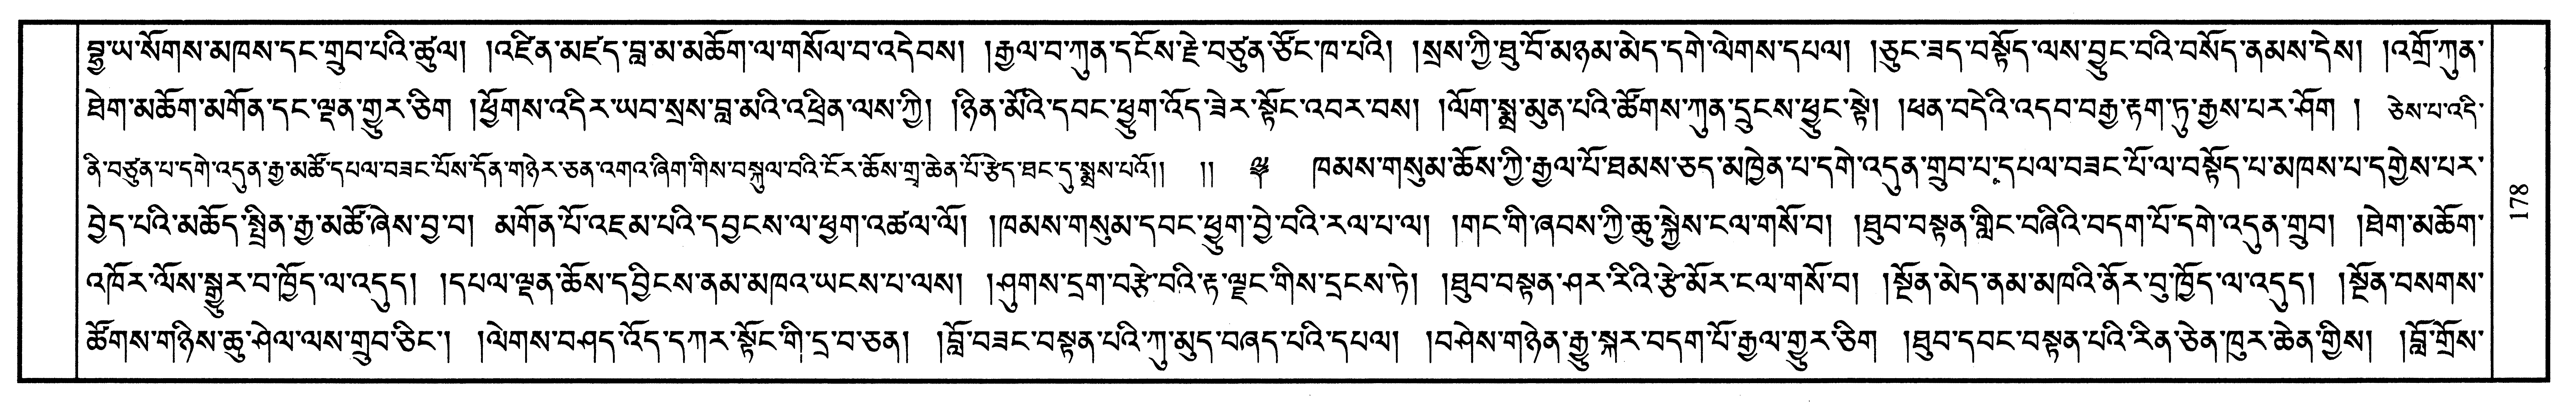བྷྱ་ཡ་སོགས་མཁས་དང་གྲུབ་པའི་ཚུལ། །འཛིན་མཛད་བླ་མ་མཆོག་ལ་གསོལ་བ་འདེབས། །རྒྱལ་བ་ཀུན་དངོས་རྗེ་བཙུན་ཙོང་ཁ་པའི། །སྲས་ཀྱི་ཐུ་བོ་མཉམ་མེད་དགེ་ལེགས་དཔལ། །ཅུང་ཟད་བསྟོད་ལས་བྱུང་བའི་བསོད་ནམས་དེས། །འགྲོ་ཀུན་
ཐེག་མཆོག་མགོན་དང་ལྡན་གྱུར་ཅིག །ཕྱོགས་འདིར་ཡབ་སྲས་བླ་མའི་འཕྲིན་ལས་ཀྱི། །ཉིན་མོའི་དབང་ཕྱུག་འོད་ཟེར་སྟོང་འབར་བས། །ལོག་སྨྲ་མུན་པའི་ཚོགས་ཀུན་དྲུངས་ཕྱུང་སྟེ། །ཕན་བདེའི་འདབ་བརྒྱ་རྟག་ཏུ་རྒྱས་པར་ཤོག །ཅེས་པ་འདི་
ནི་བཙུན་པ་དགེ་འདུན་རྒྱ་མཚོ་དཔལ་བཟང་པོས་དོན་གཉེར་ཅན་འགའ་ཞིག་གིས་བསྐུལ་བའི་ངོར་ཆོས་གྲྭ་ཆེན་པོ་རྩེད་ཐང་དུ་སྨྲས་པའོ།། །། ༈ ཁམས་གསུམ་ཆོས་ཀྱི་རྒྱལ་པོ་ཐམས་ཅད་མཁྱེན་པ་དགེ་འདུན་གྲུབ་པ་དཔལ་བཟང་པོ་ལ་བསྟོད་པ་མཁས་པ་དགྱེས་པར་
བྱེད་པའི་མཆོད་སྤྲིན་རྒྱ་མཚོ་ཞེས་བྱ་བ། མགོན་པོ་འཇམ་པའི་དབྱངས་ལ་ཕྱག་འཚལ་ལོ། །ཁམས་གསུམ་དབང་ཕྱུག་བྱེ་བའི་རལ་པ་ལ། །གང་གི་ཞབས་ཀྱི་ཆུ་སྐྱེས་ངལ་གསོ་བ། །ཐུབ་བསྟན་གླིང་བཞིའི་བདག་པོ་དགེ་འདུན་གྲུབ། །ཐེག་མཆོག་
འཁོར་ལོས་སྒྱུར་བ་ཁྱོད་ལ་འདུད། །དཔལ་ལྡན་ཆོས་དབྱིངས་ནམ་མཁའ་ཡངས་པ་ལས། །ཤུགས་དྲག་བརྩེ་བའི་རྟ་ལྗང་གིས་དྲངས་ཏེ། །ཐུབ་བསྟན་ཤར་རིའི་རྩེ་མོར་ངལ་གསོ་བ། །སྔོན་མེད་ནམ་མཁའི་ནོར་བུ་ཁྱོད་ལ་འདུད། །སྔོན་བསགས་
ཚོགས་གཉིས་ཆུ་ཤེལ་ལས་གྲུབ་ཅིང་། །ལེགས་བཤད་འོད་དཀར་སྟོང་གི་དྲ་བ་ཅན། །བློ་བཟང་བསྟན་པའི་ཀུ་མུད་བཞད་པའི་དཔལ། །བཤེས་གཉེན་རྒྱུ་སྐར་བདག་པོ་རྒྱལ་གྱུར་ཅིག །ཐུབ་དབང་བསྟན་པའི་རིན་ཅེན་ཁུར་ཆེན་གྱིས། །བློ་གྲོས་